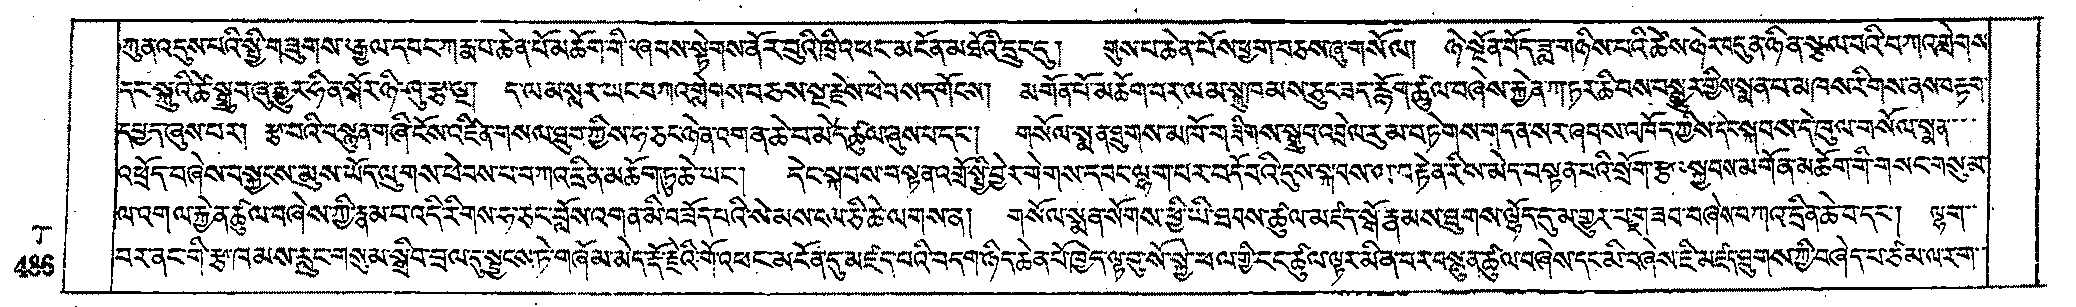ཀུན་འདུས་པའི་སྤྱི་གཟུགས ༧རྒྱལ་དབང་ཀརྨ་པ་ཆེན་པོ་མཆོག་གི ༧ཞབས་སྟེགས་ནོར་བུའི་ཁྲི་འཕང་མངོན་མཐོའི་དྲུང་དུ། གུས་པ་ཆེན་པོས་ཕྱག་བཅས་ཞུ་གསོལ། ཉེ་སྔོན་བོད་ཟླ་གཉིས་པའི་ཚེས་ཉེར་བདུན་ཉིན་སྩལ་བའི་བཀའ་གླེགས་
དང་སྐུའི་ཚེ་སྒྲུབ་ཞུ་རྒྱུར་ཧིན་སྒོར་ཉི་ཤུ་རྩ་ལྔ། ད་ལམ་སླར་ཡང་བཀའ་གླེགས་བཅས་སྔ་རྗེས་ཕེབས་དགོངས། མགོན་པོ་མཆོག་བར་ལམ་སྐུ་ཁམས་ཅུང་ཟད་རྙོག་ཚུལ་བཞེས་རྐྱེང་ཀ་ཏར་ཆིབས་བསྒྱུར་གྱིས་སྨན་པ་མཁས་རིགས་ནས་བརྟག་
དཔྱད་ཞུས་པར། རྩ་བའི་བསྙུན་གཞི་ངོས་འཛིན་གསལ་ཐུབ་ཀྱིས་ཧ་ཅང་ཉེན་འགན་ཆེ་བ་མེད་ཚུལ་ཞུས་པ་དང་། གསོལ་སྨན་ཐུགས་མཁོ་གཟིགས་སྒྲུབ་འབྲེལ་རུམ་བཏེགས་གདན་སར་ཞབས་འཁོད་ཀྱིས་དེངས་སྐབས་དེ་ཁུལ་གསོལ་སྨན་་་
འཕྲོ་བཞེས་བསྐྱངས་མུས་ཡོད་ལུགས་ཕེབས་པ་བཀའ་དྲིན་མཆོག་ཏུ་ཆེ་ཡང་། དེང་སྐབས་བསྟན་འགྲོ་སྤྱི་བྱེར་གེགས་དབང་ལྷག་པར་བདོ་བའི་དུས་སྐབས་ལ་རྟེན་རིས་མེད་བསྟན་པའི་སྲོག་རྩ ༧སྐྱབས་དེ་ཁུལ་གསོལ་སྨན་་་
ལ་འགལ་རྐྱེན་ཚུལ་བཞེས་ཀྱི་རྣམ་པ་འདི་རིགས་ཧ་ཅང་བློས་འགན་མི་བཟོད་པའི་སེམས་བལ་ཅི་ཆེ་ལགས་ན། གསོལ་སྨན་སོགས་ཕྱི་ཡི་ཐབས་ཚུལ་མཛད་སྒོ་རྣམས་ཐུགས་ལྷོད་དུ་མ་གྱུར་པར་གཟབ་བཞེས་བཀའ་དྲིན་ཆེ་བ་དང་། ལྷབ་་་
པར་ནང་གི་རྩ་ཁམས་རླུང་གསུམ་སྒྲིབ་བྲལ་དུ་སྦྱངས་ཏེ་གཞོམ་མེད་རྡོ་རྗེའི་གོ་འཕང་མངོན་དུ་མཛད་པའི་བདག་ཉིད་ཆེན་པོ་ཁྱེད་ལྟ་བུ་སོ་སྐྱེ་ཕལ་གྱི་ངང་ཚུལ་ལྟར་མིན་པར་བསྙུན་ཚུལ་བཞེས་དང་མི་བཞེས་ཇི་མཛད་ཐུགས་ཀྱི་བཞེད་པ་ཙམ་ལ་རག་་་